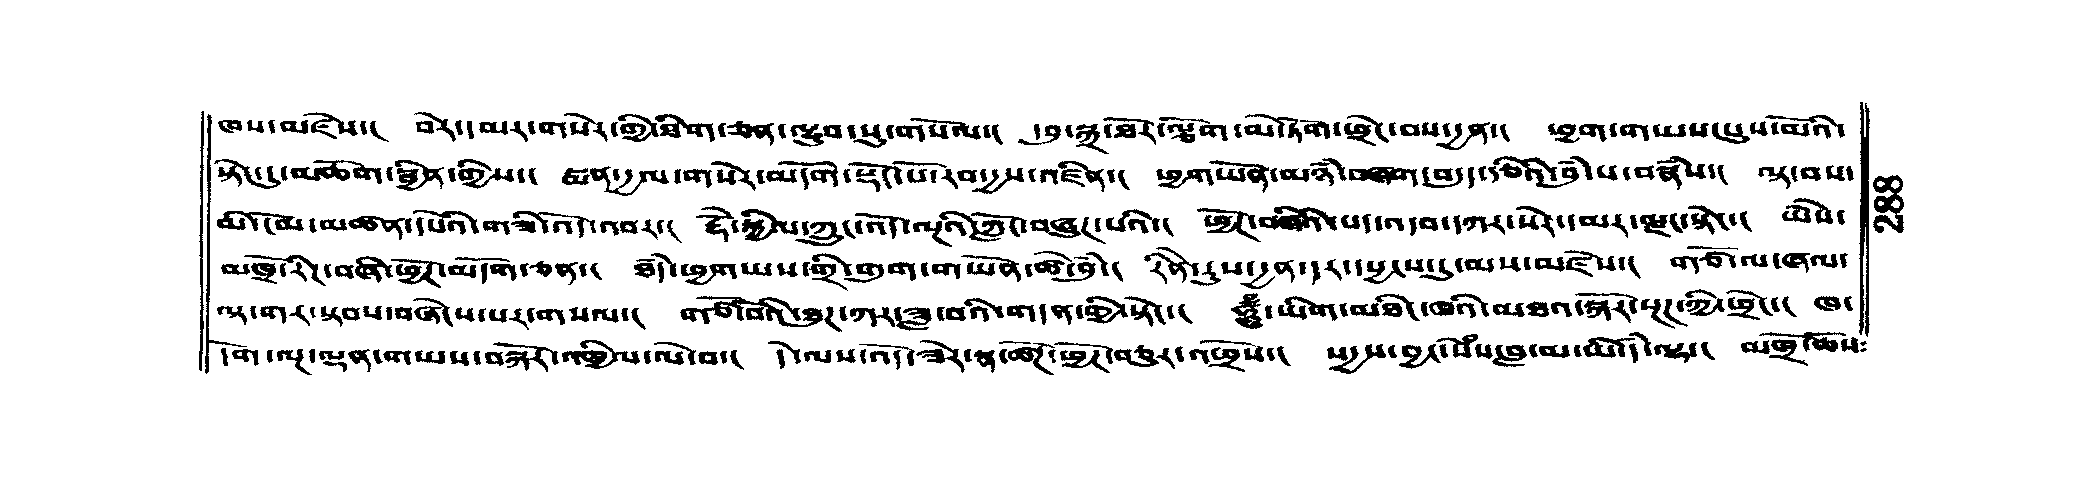ཁས་མཛེས། །བེར་དམར་གསེར་གྱི་ཐིག་ཅན་ལྷུབ་སུ་གསོལ། །དབུ་སྐྲ་ཐོར་ལྕོག་མེ་ཏོག་ཕྲེང་བས་རྒྱན། །ཕྱག་གཡས་པུས་མོའི་
སྟེང་དུ་མཆོག་སྦྱིན་གྱིས། །སྨན་རྒྱལ་གསེར་མདོག་སྡོང་པོ་རབ་རྒྱས་འཛིན། །ཕྱག་གཡོན་མཉམ་བཞག་བདུད་རྩིའི་བུམ་པ་བསྣམས། །ལྟ་བས་
མི་ངོམ་མཚན་དཔེའི་གཟི་འོད་འབར། །རྡོ་རྗེ་སྐྱིལ་ཀྲུང་འོད་ལྔའི་ཀློང་བཞུགས་པའི། །ཕྱོགས་བཞིའི་པད་འདབ་དཀར་སེར་དམར་ལྗང་སྟེང་། །ཡེ་ཤེས་
མཁའ་འགྲོ་རིགས་བཞི་ཕྱོགས་མདོག་ཅན། །ཐམས་ཅད་ཕྱག་གཡས་གྲི་གུག་གཡོན་ཚེ་བུམ། །རིན་ཆེན་རུས་རྒྱན་དར་དཔྱངས་དུ་མས་མཛེས། །གཙོ་ལ་ཞལ་
བལྟ་གར་སྟབས་བཞེངས་པར་གསལ། །གཙོ་བོའི་ཐུགས་ཀར་ཟླ་བའི་གདན་གྱི་སྟེང་། །ཧཱུྃ་ཡིག་མཐིང་ཁའི་མཐའ་སྐོར་སྔགས་ཀྱི་ཕྲེང་། །ཁ་
དོག་ལྔ་ལྡན་གཡས་སྐོར་འཁྱིལ་ལེ་བ། །དེ་ལས་འོད་ཟེར་སྣ་ཚོགས་ཕྱོགས་བཅུར་འཕྲོས། །སངས་རྒྱས་བྱང་སེམས་བླ་མ་ཡི་དམ་ལྷ། །མཁའ་འགྲོ་ཆོས་